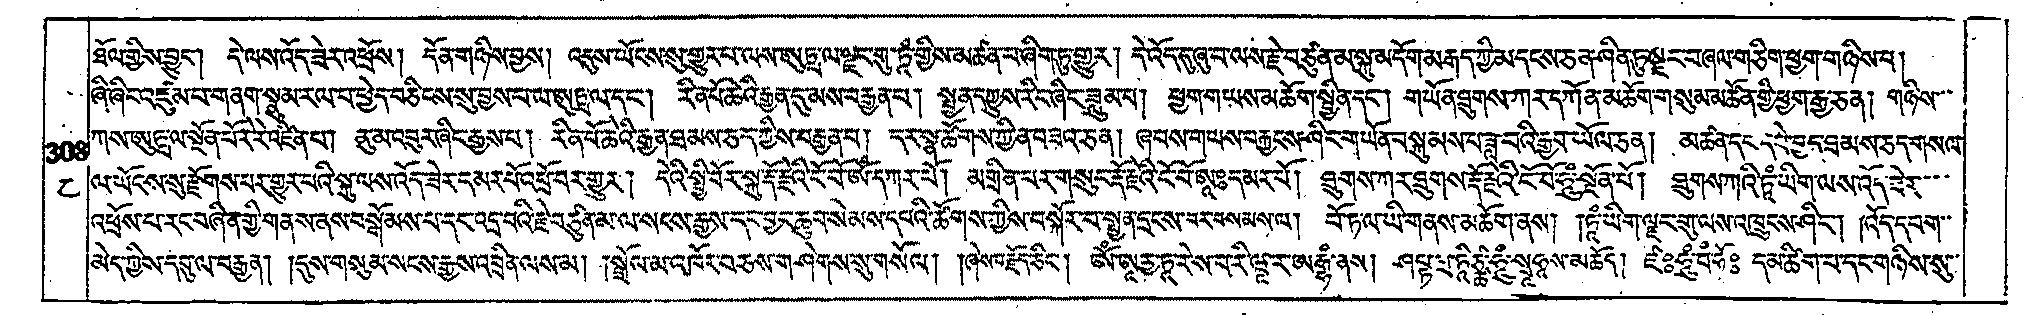ཐོལ་གྱིས་བྱུང་། དེ་ལས་འོད་ཟེར་འཕྲོས། དོན་གཉིས་བྱས། འདུས་ཡོངས་སུ་གྱུར་པ་ལས་ཨུཏྤ་ལ་ལྗང་གུ་ཏཱཾ་གྱིས་མཚན་པ་ཞིག་ཏུ་གྱུར། དེ་འོད་དུ་ཞུ་བ་ལས་རྗེ་བཙུན་མ་སྐུ་མདོག་མརྒད་ཀྱི་མདངས་ཅན་ཤིན་ཏུ་ལྗང་བ་ཞལ་གཅིག་ཕྱག་གཉིས་པ།
ཞི་ཞིང་འཛུམ་པ་གནག་སྣུམ་རལ་པ་ཕྱེད་བཅིངས་སུ་བྱས་པ་ལ་ཨུཏྤ་ལ་དང་། རིན་པོ་ཆེའི་རྒྱན་དུ་མས་བརྒྱན་པ། སྤྱན་དཀྱུས་རིང་ཞིང་ཟླུམ་པ། ཕྱག་གཡས་མཆོག་སྦྱིན་དང་། གཡོན་ཐུགས་ཀར་དཀོན་མཆོག་གསུམ་མཚོན་གྱི་ཕྱག་རྒྱ་ཅན། གཉིས་་་
ཀས་ཨུཏྤ་ལ་སྔོན་པོ་རེ་རེ་འཛིན་པ། ནུ་མ་འབུར་ཞིང་རྒྱས་པ། རིན་པོ་ཆེའི་རྒྱན་ཐམས་ཅད་ཀྱིས་བརྒྱན་པ། དར་སྣ་ཚོགས་ཀྱི་ན་བཟའ་ཅན། ཞབས་གཡས་བརྐྱངས་ཤིང་གཡོན་བསྐུམས་པ་ཟླ་བའི་རྒྱབ་ཡོལ་ཅན། མཚན་དང་དཔེ་བྱད་ཐམས་ཅད་གསལ་
ལ་ཡོངས་སུ་རྫོགས་པར་གྱུར་པའི་སྐུ་ལས་འོད་ཟེར་དམར་པོ་འཕྲོ་བར་གྱུར། དེའི་སྤྱི་བོར་སྐུ་རྡོ་རྗེའི་ངོ་བོ་ཨོཾ་དཀར་པོ། མགྲིན་པར་གསུང་རྡོ་རྗེའི་ངོ་བོ་ཨཱཿདམར་པོ། ཐུགས་ཀར་ཐུགས་རྡོ་རྗེའི་ངོ་བོ་ཧཱུཾ་སྔོན་པོ། ཐུགས་ཀའི་ཏཱཾ་ཡིག་ལས་འོད་ཟེར་་་
འཕྲོས་པ་རང་བཞིན་གྱི་གནས་ནས་བསྒོམས་པ་དང་འདྲ་བའི་རྗེ་བཙུན་མ་ལ་སངས་རྒྱས་དང་བྱང་ཆུབ་སེམས་དཔའི་ཚོགས་ཀྱིས་བསྐོར་བ་སྤྱན་དྲངས་པར་བསམས་ལ།  པོ་ཏ་ལ་ཡི་གནས་མཆོག་ནས། །ཏཱཾ་ཡིག་ལྗང་གུ་ལས་འཁྲུངས་ཤིང་། །འོད་དཔག་་་
མེད་ཀྱིས་དབུ་ལ་བརྒྱན། །དུས་གསུམ་སངས་རྒྱས་འཕྲིན་ལས་མ། །སྒྲོལ་མ་འཁོར་བཅས་གཤེགས་སུ་གསོལ། །ཞེས་བརྗོད་ཅིང་།  ཨོཾ་ཨཱརྱ་ཏཱ་རེ་ས་པ་རི་ཝཱ་ར་ཨརྒྷཾ་ནས། ཤཔྟ་པྲ་ཏཱིཙྪ་ཧཱུཾ་སྭཱཧཱས་མཆོད། ཛཿཧཱུཾ་བཾ་ཧོཿ དམ་ཚིག་པ་དང་གཉིས་སུ་